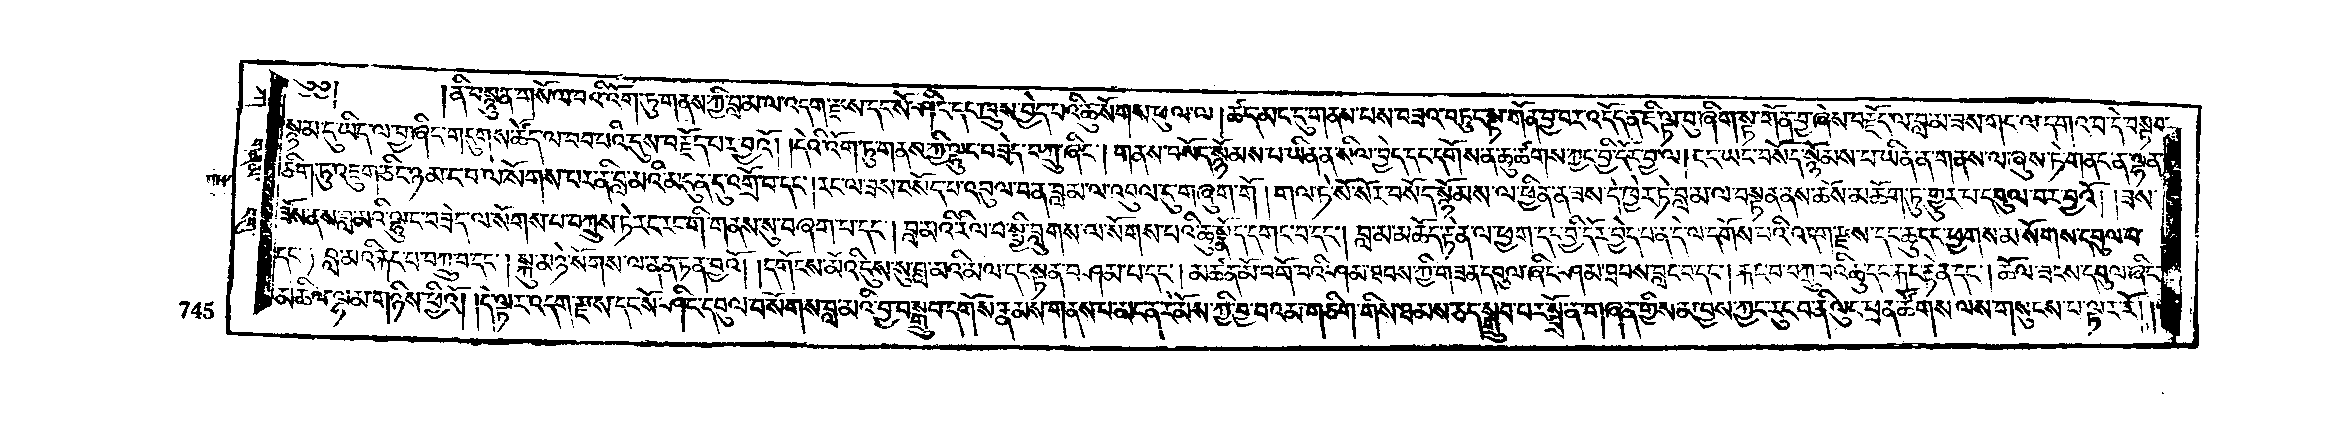༄༅། །ནི་བསྙུན་གསོལ་བའི་འོག་ཏུ་གནས་ཀྱི་བླ་མ་ལ་འདག་རྫས་དང་སོ་ཤིང་དང་ཁྲུས་བྱེད་པའི་ཆུ་སོགས་ཕུལ་ལ། ཚད་མང་དུ་གནས་པས་བཟའ་བཏུང་སྟ་གོན་བྱ་བར་འདོད་ན་ཇི་ལྟ་བུ་ཞིག་སྟ་གོན་བྱ་ཞེས་བརྗོད་ལ་བླ་མ་ཟས་གང་ལ་དགའ་བ་དེ་བསྟབ་
སྙམ་དུ་ཡིད་ལ་བྱ་ཞིང་གདུགས་ཚོད་ལ་བབ་པའི་དུས་བརྗོད་པར་བྱའོ། །དེའི་འོག་ཏུ་གནས་ཀྱི་ལྷུང་བཟེད་བཀྲུ་ཞིང་། གནས་བསོད་སྙོམས་པ་ཡིན་ན་སིལ་བྱེད་དང་དགོས་ན་ཆུ་ཚགས་ཀྱང་བྱི་དོར་བྱ་ལ། ངང་ཡང་བསོད་སྙོམས་པ་ཡིན་ན་གནས་ལ་ཞུས་ཏེ་གནང་ན་ལྷན་
ཅིག་ཏུ་འཇུག་ཅིང་ཉམ་ང་བ་ལེ་སོགས་པར་ནི་བླ་མའི་མདུན་དུ་འགྲོ་བ་དང་། རང་ལ་ཟས་བསོད་པ་འབུལ་བ་ན་བླ་མ་ལ་འབུལ་དུ་གཞུག་གོ །གལ་ཏེ་སོ་སོར་བསོད་སྙོམས་ལ་ཕྱིན་ན་ཟས་དེ་ཁྱེར་ཏེ་བླ་མ་ལ་བསྟན་ནས་ཆོས་མཆོག་ཏུ་གྱུར་པ་དབུལ་བར་བྱའོ། །ཟས་
ཟོས་ནས་བླ་མའི་ལྷུང་བཟེད་ལ་སོགས་པ་བཀྲུས་ཏེ་རང་རང་གི་གནས་སུ་བཞག་པ་དང་། བླ་མའི་རིལ་པ་སྤྱི་བླུགས་ལ་སོགས་པའི་ཆུ་སྣོད་དགང་བ་དང་། བླ་མ་མཆོད་རྟེན་ལ་ཕྱག་དང་བྱི་དོར་བྱེད་པ་ན་དེ་ལ་དགོས་པའི་འདག་རྫས་དང་ཆུ་དང་ཕྱགས་མ་སོགས་དབུལ་བ་
དང༑ བླ་མའི་རྐང་པ་བཀྲུ་བ་དང་། སྐུ་མཉེ་སོགས་ལ་ནན་ཏན་བྱའོ། །དགོངས་མོའི་དུས་སུ་བླ་མའི་མལ་དང་སྟན་བཤམ་པ་དང་། མཚན་མོ་བགོ་བའི་ཤམ་ཐབས་ཀྱི་གཟན་དབུལ་ཞིང་ཤམ་ཐབས་བླང་བ་དང་། རྐང་བ་བཀྲུ་བའི་ཆུ་དང་རྐང་རྟེན་དང་། ཆོལ་ཟངས་དབུལ་ཞིང་
མཆིལ་ལྷ་མ་གཉིས་ཕྱིའོ། །དེ་ལྟར་འདག་རྫས་དང་སོ་ཤིང་དབུལ་བ་སོགས་བླ་མའི་བྱ་བསྒྲུབ་དགོས་རྣམས་གནས་པ་མང་ན་རེ་མོས་ཀྱི་བྱ་བའམ་གཅིག་གིས་ཐམས་ཅད་སྒྲུབ་པར་སྤྲོ་ན་གཞན་གྱིས་མ་བྱས་ཀྱང་རུང་བ་ནི་ལུང་ཕྲན་ཚོགས་ལས་གསུངས་པ་ལྟར་རོ། །